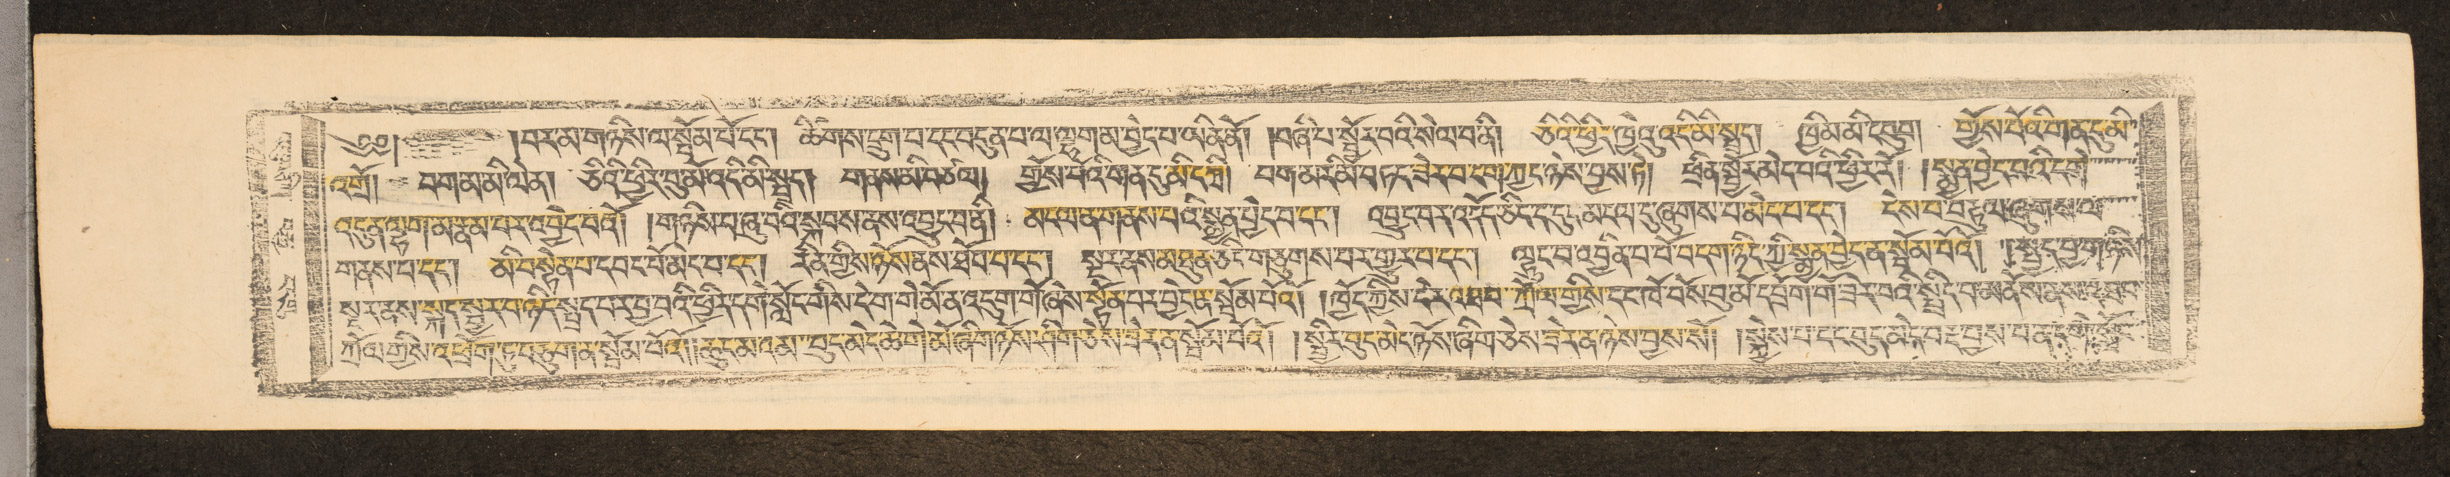༄༅། །བར་མ་གཉིས་ལ་སྦོམ་པོ་དང་། ཚིགས་དྲུག་པ་དང་བདུན་པ་ལ་ལྷག་མ་བྱེད་པ་ཡིན་ནོ། །བཞི་པ་སྦྱོར་བའི་སེལ་བ་ནི། ཅིའི་ཕྱིར་ཁྱེའུ་འདི་མི་སྤྱད། ཁྱིམ་མི་དབུག །གྱོས་བོའི་གན་དུ་མི་
འགྲོ། བག་མ་མི་ལེན། ཅིའི་ཕྱིར་བུ་མོ་འདི་མི་སྤྲད། གནས་མི་བཙལ། གྱོས་པོའི་གན་དུ་མི་དཀྲི། བག་མར་མི་བཏང་ཟེར་བ་དག་ཀྱང་ཉེས་བྱས་ཏེ། ཕྲིན་སྦྱོར་མེད་བའི་ཕྱིར་རོ། །སྨྱན་བྱེད་པའི་དགེ་
འདུན་ལྷག་མ་རྣམ་པར་འབྱེད་བའོ། །གཉིས་པ་ཞུ་བའི་སྐབས་ནས་འབྱུང་བ་ནི། མངལ་ན་གནས་པའི་སྨྱན་བྱེད་པ་དང་། འབྱུང་བར་འདོད་ཅིང་ད་དུང་མངལ་དུ་ཞུགས་པ་མེད་པ་དང་། དེས་པ་བརྟུལ་ཞུགས་ལ་
གནས་པ་དང་། མི་བསྟེན་པ་དབང་པོ་མེད་པ་དང་། རིན་གྱིས་ཉོས་ནས་ཐོབ་པ་དང་། སྔར་ནས་མཐུན་ཅིང་གཅུགས་བར་གྱུར་པ་དང་། ལྟུང་བ་འབྱིན་པ་པོ་བདག་ཉིད་ཀྱི་སྨྱན་བྱེད་ན་སྦོམ་པོའོ། །སྤྱད་བྱ་གཉིས་
སྔར་ནས་སྐད་སྦྱར་བ་ཉིད་སྤྲད་པར་བྱ་བའི་ཕྱིར་དགེ་སློང་གིས་དེ་ག་གེ་མོན་འདུག་གོ་ཞེས་སྟོན་བར་བྱེད་ན་སྦོམ་པོའོ། །ཁྱོད་ཀྱིས་དེར་འཐབ་ཀྲོལ་གྱིས་དང་ཁོ་བོས་བུ་མོ་དབྲོག་གོ་ཟེར་བའི་སྤྲིང་བ་མནོས་ནས་འཐབ་
ཀྲོལ་གྱིས་འཕྲོག་ཏུ་བཅུག་ན་སྦོམ་བོའོ། །ཆུང་མ་འམ། བུད་མེད་ཆེ་གེ་མོ་ཞིག་ཉོས་ཤིག་ཅེས་ཟེར་ན་སྦོམ་པོའོ། །སྤྱིར་བུད་མེད་ཉོས་ཞིག་ཅེས་ཟེར་ན་ཉེས་བྱས་སོ། །སྐྱེས་པ་དང་བུད་མེད་བརྡ་བྱས་བ་ན་དགེ་སློང་